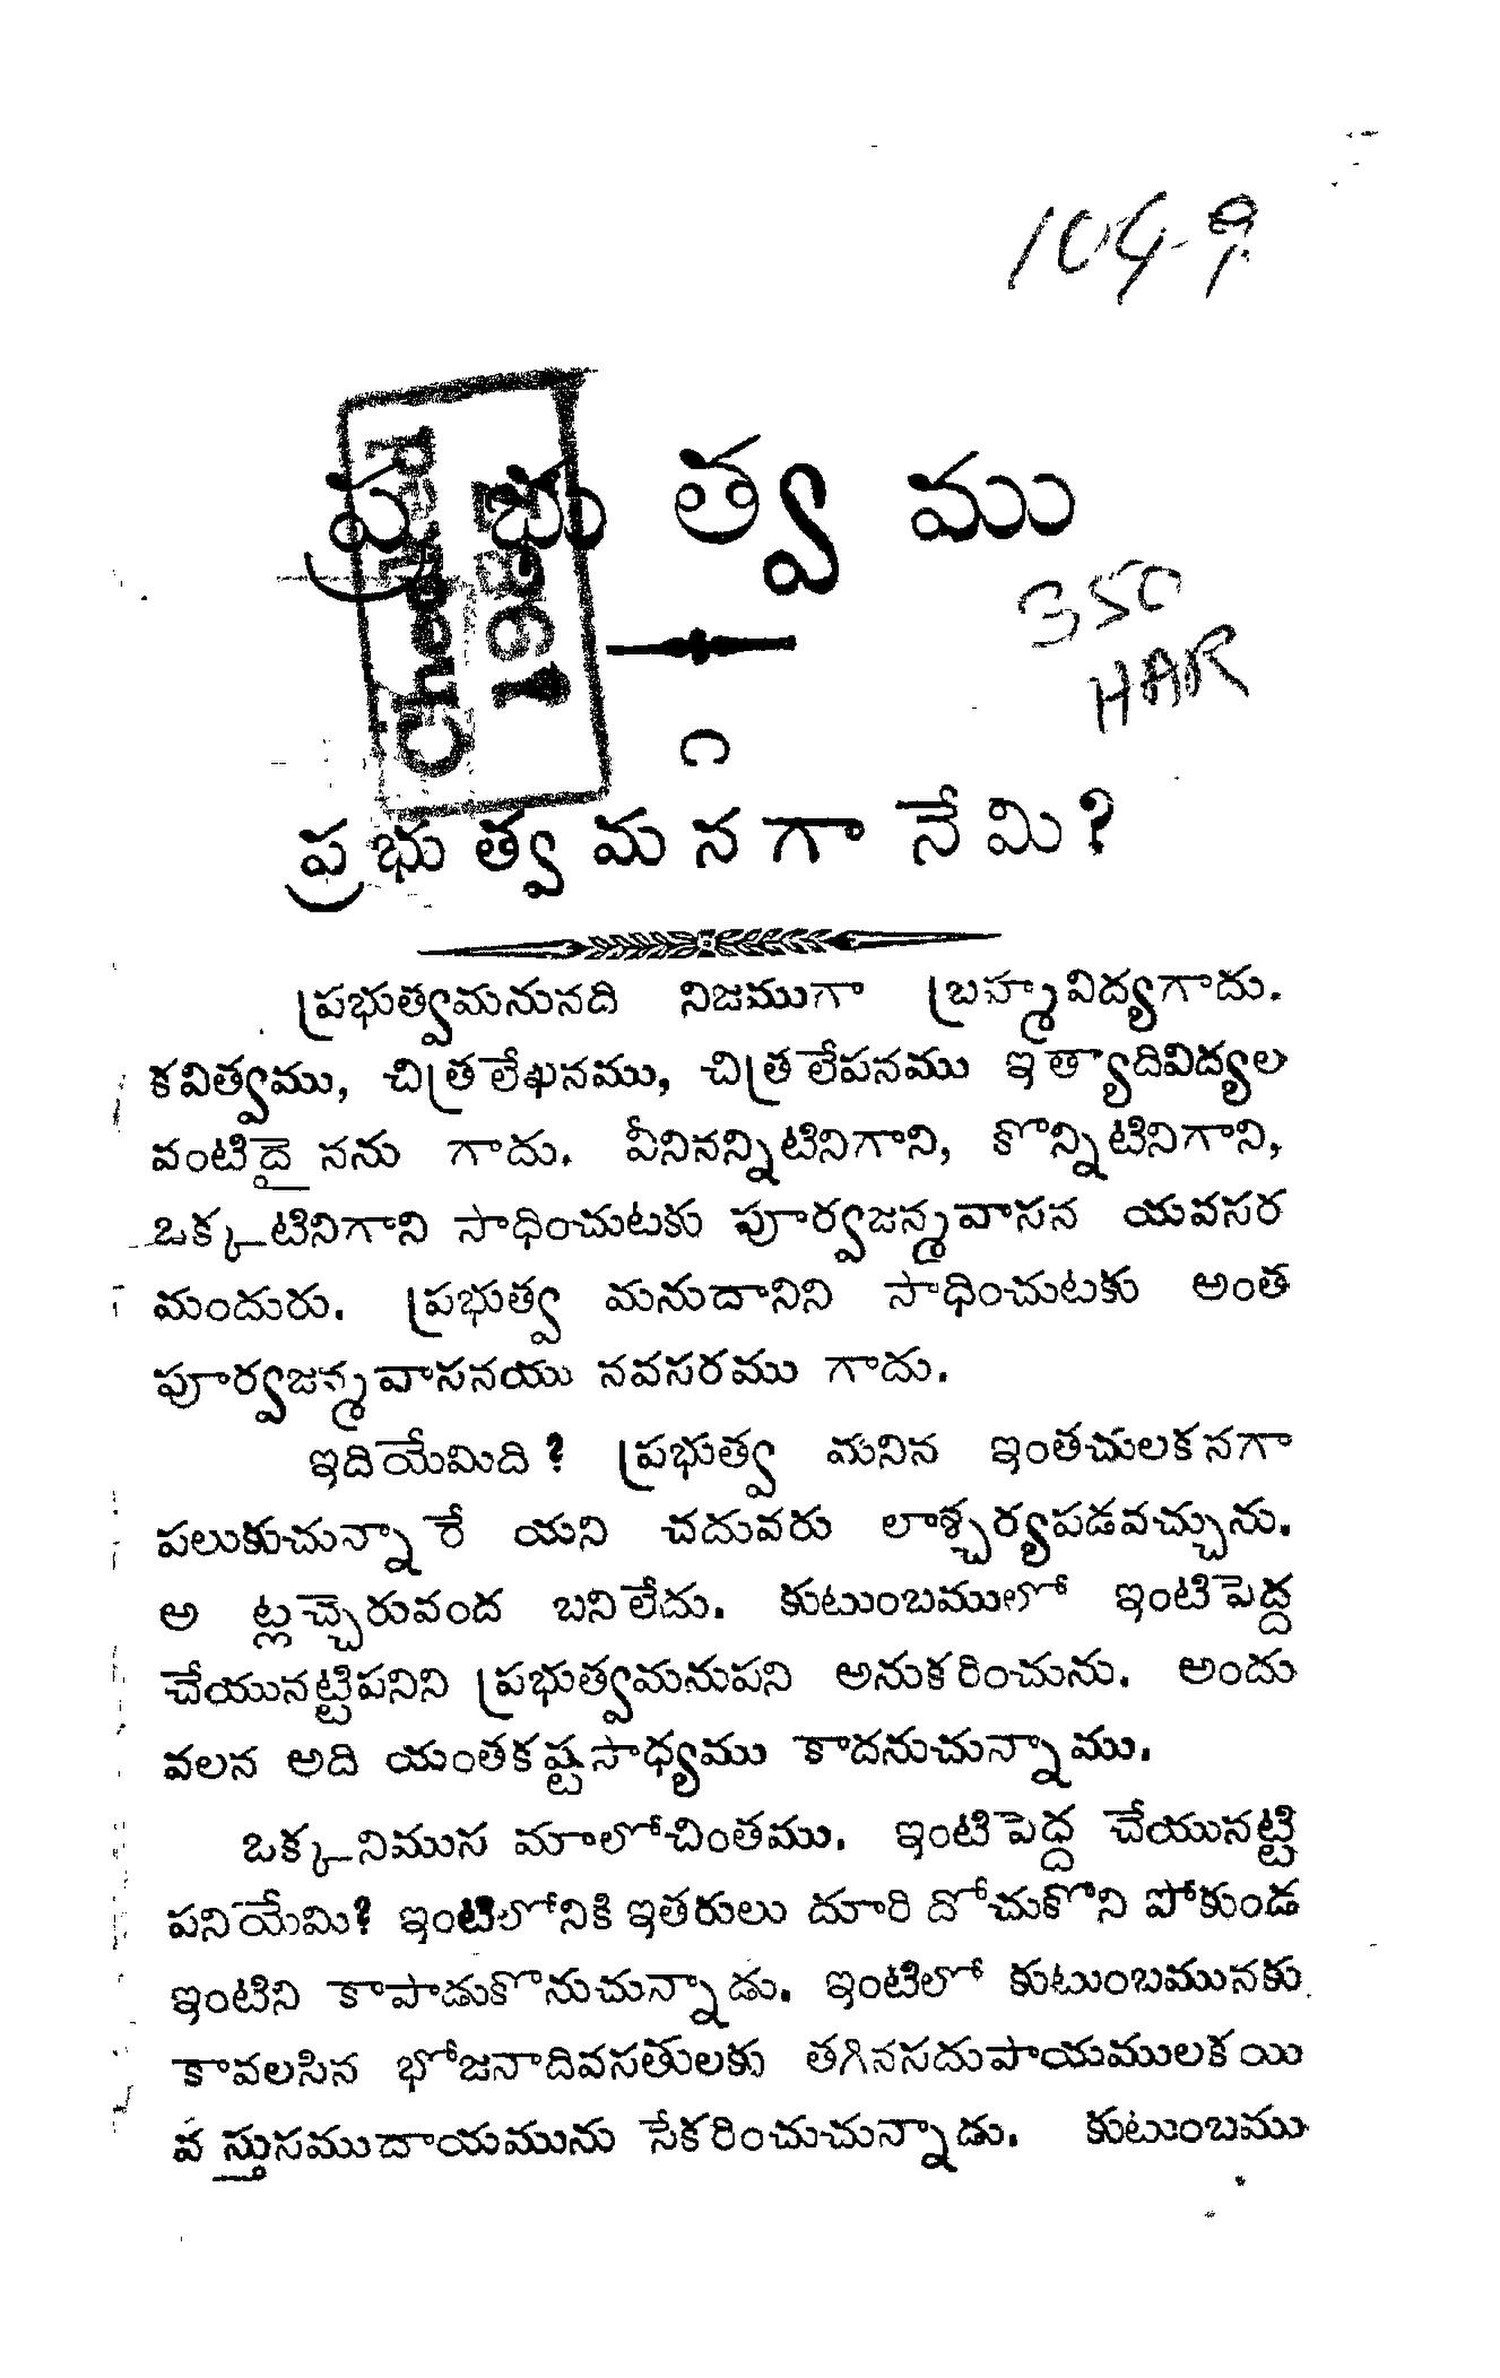ప్రభుత్వము
1
ప్రభుత్వమనగా నేమి?

ప్రభుత్వమనునది నిజముగా బ్రహ్మవిద్యగాదు. కవిత్వము, చిత్రలేఖనము, చిత్రలేపనము ఇత్యాదివిద్యలవంటిదై నను గాదు. వీనినన్నిటినిగాని, కొన్నిటినిగాని, ఒక్కటినిగాని సాధించుటకు పూర్వజన్మ వాసన యవసరమందురు. ప్రభుత్వ మనుదానిని సాధించుటకు అంత పూర్వజన్మ వాసనయు నవసరము గాదు.

ఇదియేమిది ? ప్రభుత్వ మనిన ఇంతచులకనగా పలుకుచున్నా రే యని చదువరు లాశ్చర్యపడ వచ్చును. అ ట్లచ్చెరువంద బనిలేదు. కుటుంబములో ఇంటిపెద్ద చేయునట్టిపనిని ప్రభుత్వమనుపని అనుకరించును. అందు వలన అది యంతకష్టసాధ్యము కాదనుచున్నాము.

ఒక్క నిముస మాలోచింతము, ఇంటిపెద్ద చేయునట్టి పనియేమి? ఇంటిలోనికి ఇతరులు దూరి దోచుకొని పోకుండ ఇంటిని కాపాడుకొనుచున్నాడు. ఇంటిలో కుటుంబమునకు కావలసిన భోజనాదివసతులకు తగినసదుపాయములకయి వస్తుసముదాయమును సేకరించుచున్నాడు. కుటుంబము